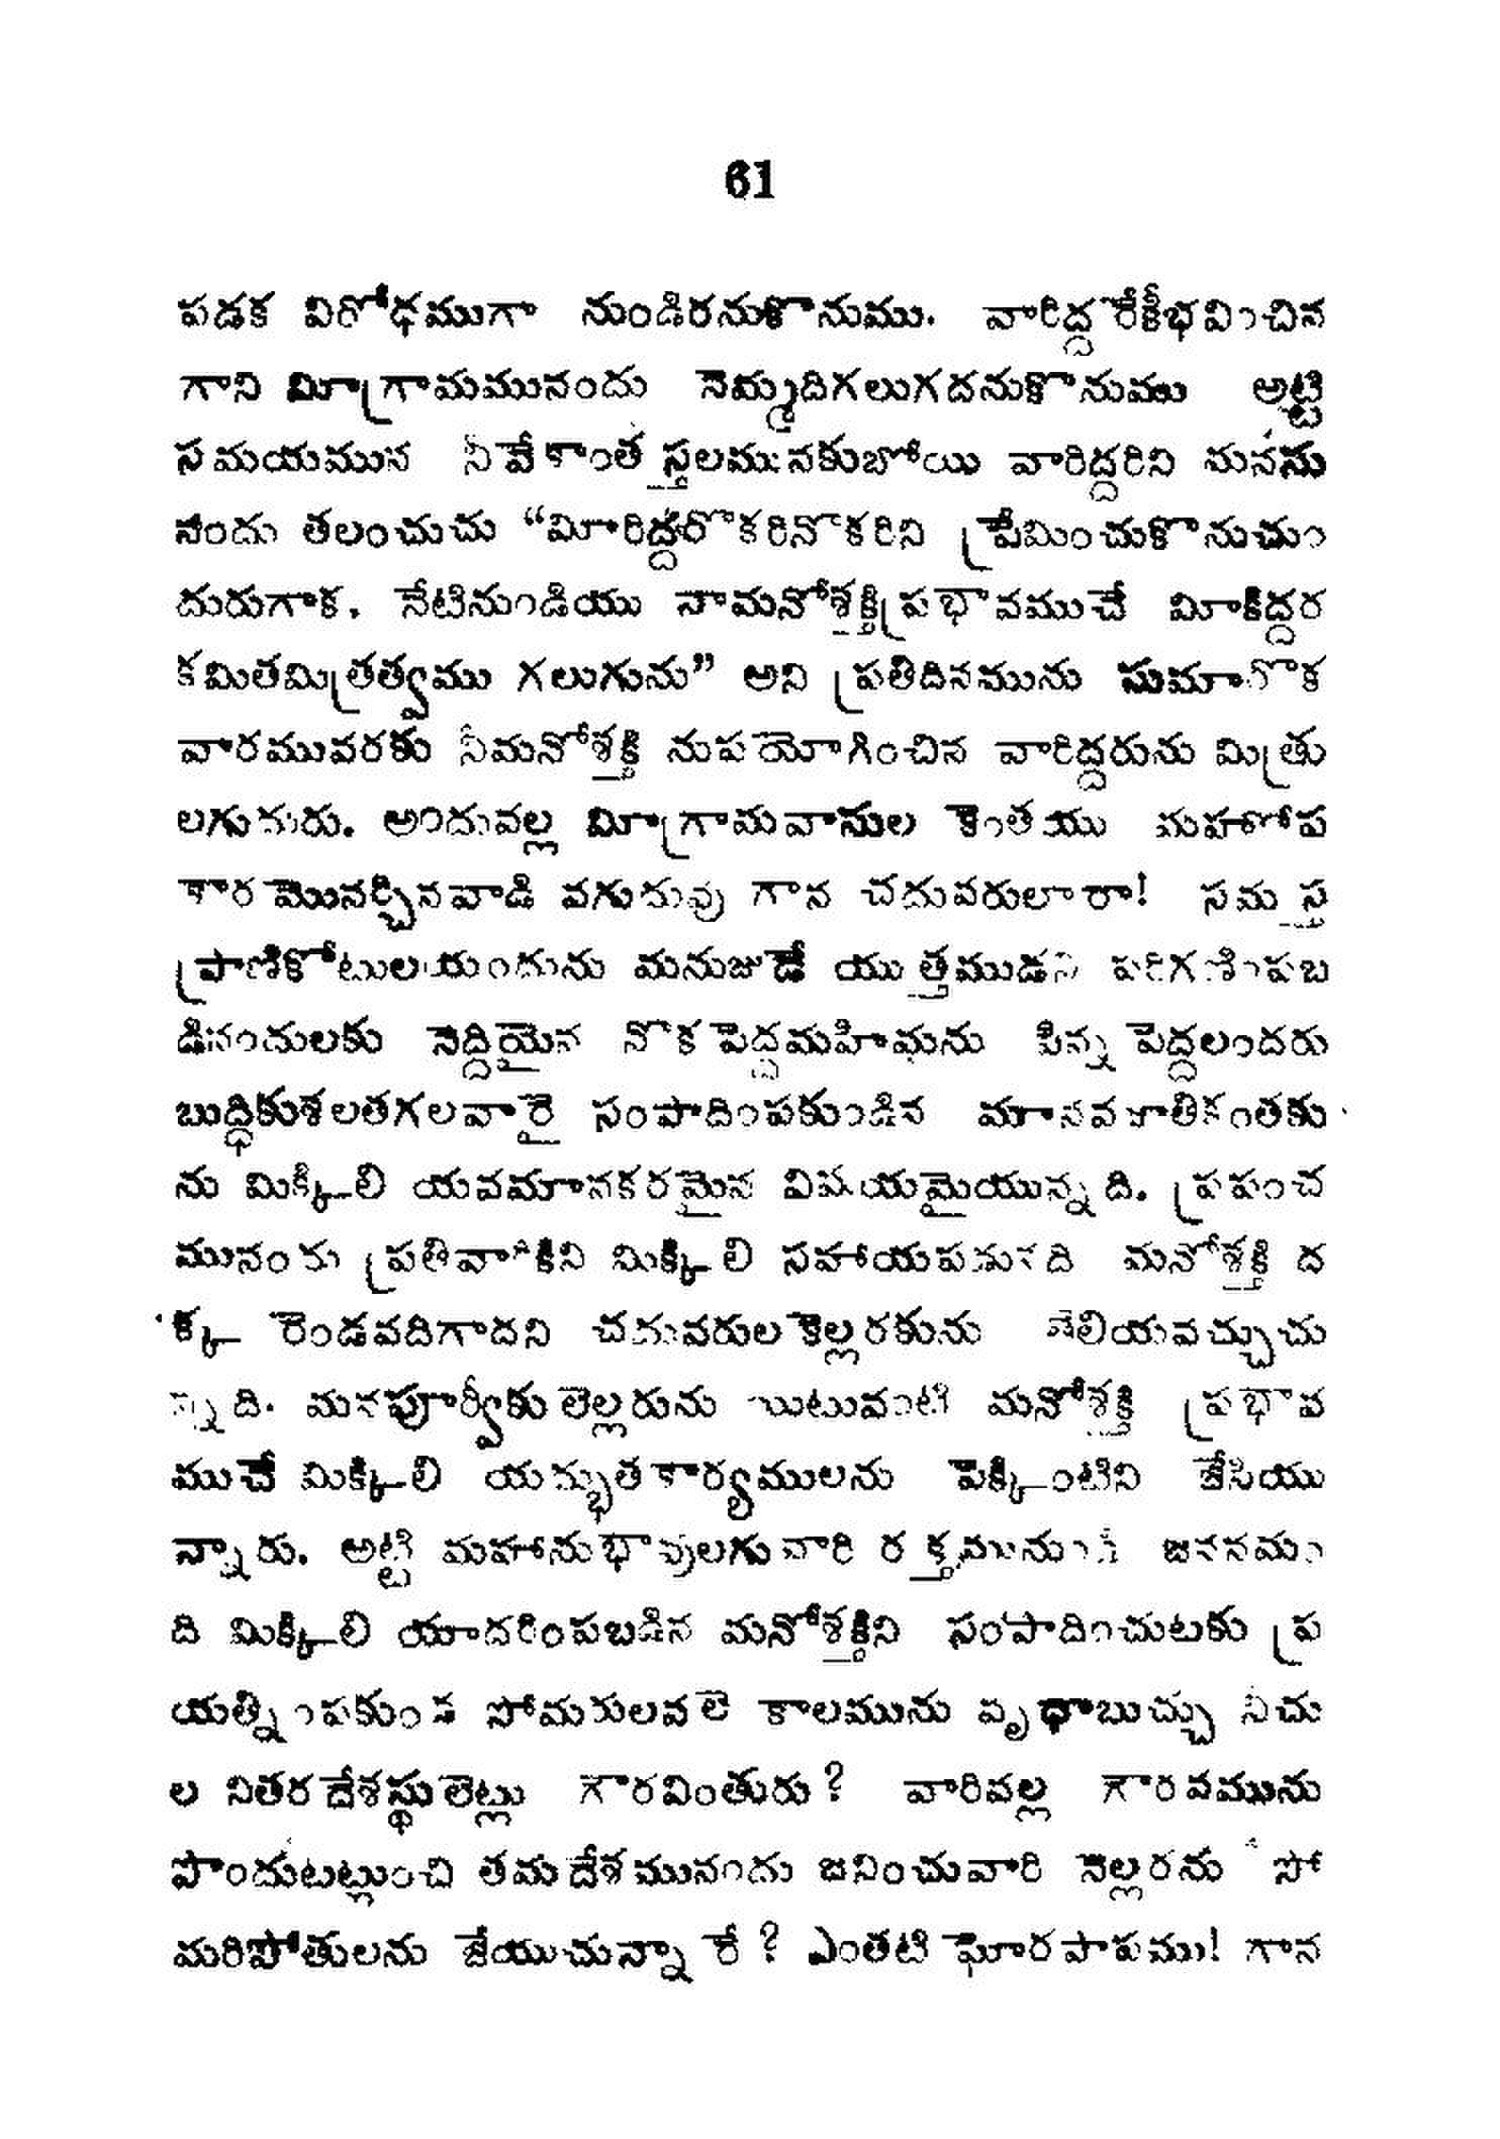పడక విరోధముగా నుండిరనుకొనుము. వారిద్ద రేకీభవించినగాని మీగ్రామమునందు నెమ్మదిగలుగదనుకొనుము అట్టి సమయమున నీవేకాంతస్తలమునకుబోయి వారిద్దరిని మనసు నందు తలంచుచు “మీరిద్దరొకరినొకరిని ప్రేమించుకొనుచుందురుగాక. నేటినుండియు నామనోశక్తి ప్రభావముచే మీకిద్దర కమితమిత్రత్వము గలుగును” అని ప్రతిదినమును సుమారొక వారమువరకు నీమనోశక్తి నుపయోగించిన వారిద్దరును మిత్రులగుదురు. అందువల్ల మీగ్రామవాసుల కెంతయు మహోపకార మొనర్చినవాడి వగుదువు గాన చదువరులారా! సమస్త ప్రాణికోటులయందును మనుజుడే యుత్తముడని పరిగణింపబడినందులకు నెద్దియైన నొకపెద్దమహిమను పిన్న పెద్దలందరు
బుద్ధికుశలతగలవారై సంపాదింపకుండిన మానవజాతికంతకును మిక్కిలి యవమానకరమైన విషయమైయున్నది. ప్రపంచమునందు ప్రతివారికిని మిక్కిలి సహాయపడునది మనోశక్తి దక్క రెండవదిగాదని చదువరులకెల్లరకును తెలియవచ్చుచున్నది. మనపూర్వీకులెల్లరును యిటువంటి మనోశక్తి ప్రభావముచే మిక్కిలి యద్భుతకార్యములను పెక్కింటిని జేసియున్నారు. అట్టి మహానుభావులగువారిరి రక్తమునుండి జననమంది మిక్కిలి యాదరింపబడిన మనోశక్తిని సంపాదించుటకు ప్రయత్నింపకుండ సోమరులవలె కాలమును వృధాబుచ్చు నీచుల నితరదేశస్థు లెట్లు గౌరవింతురు? వారివల్ల గౌరవమును పొందుటట్లుంచి తమదేశమునందు జనించువారి నెల్లరను సోమరిపోతులను జేయుచున్నారే? ఎంతటి ఘోరపాపము! గాన